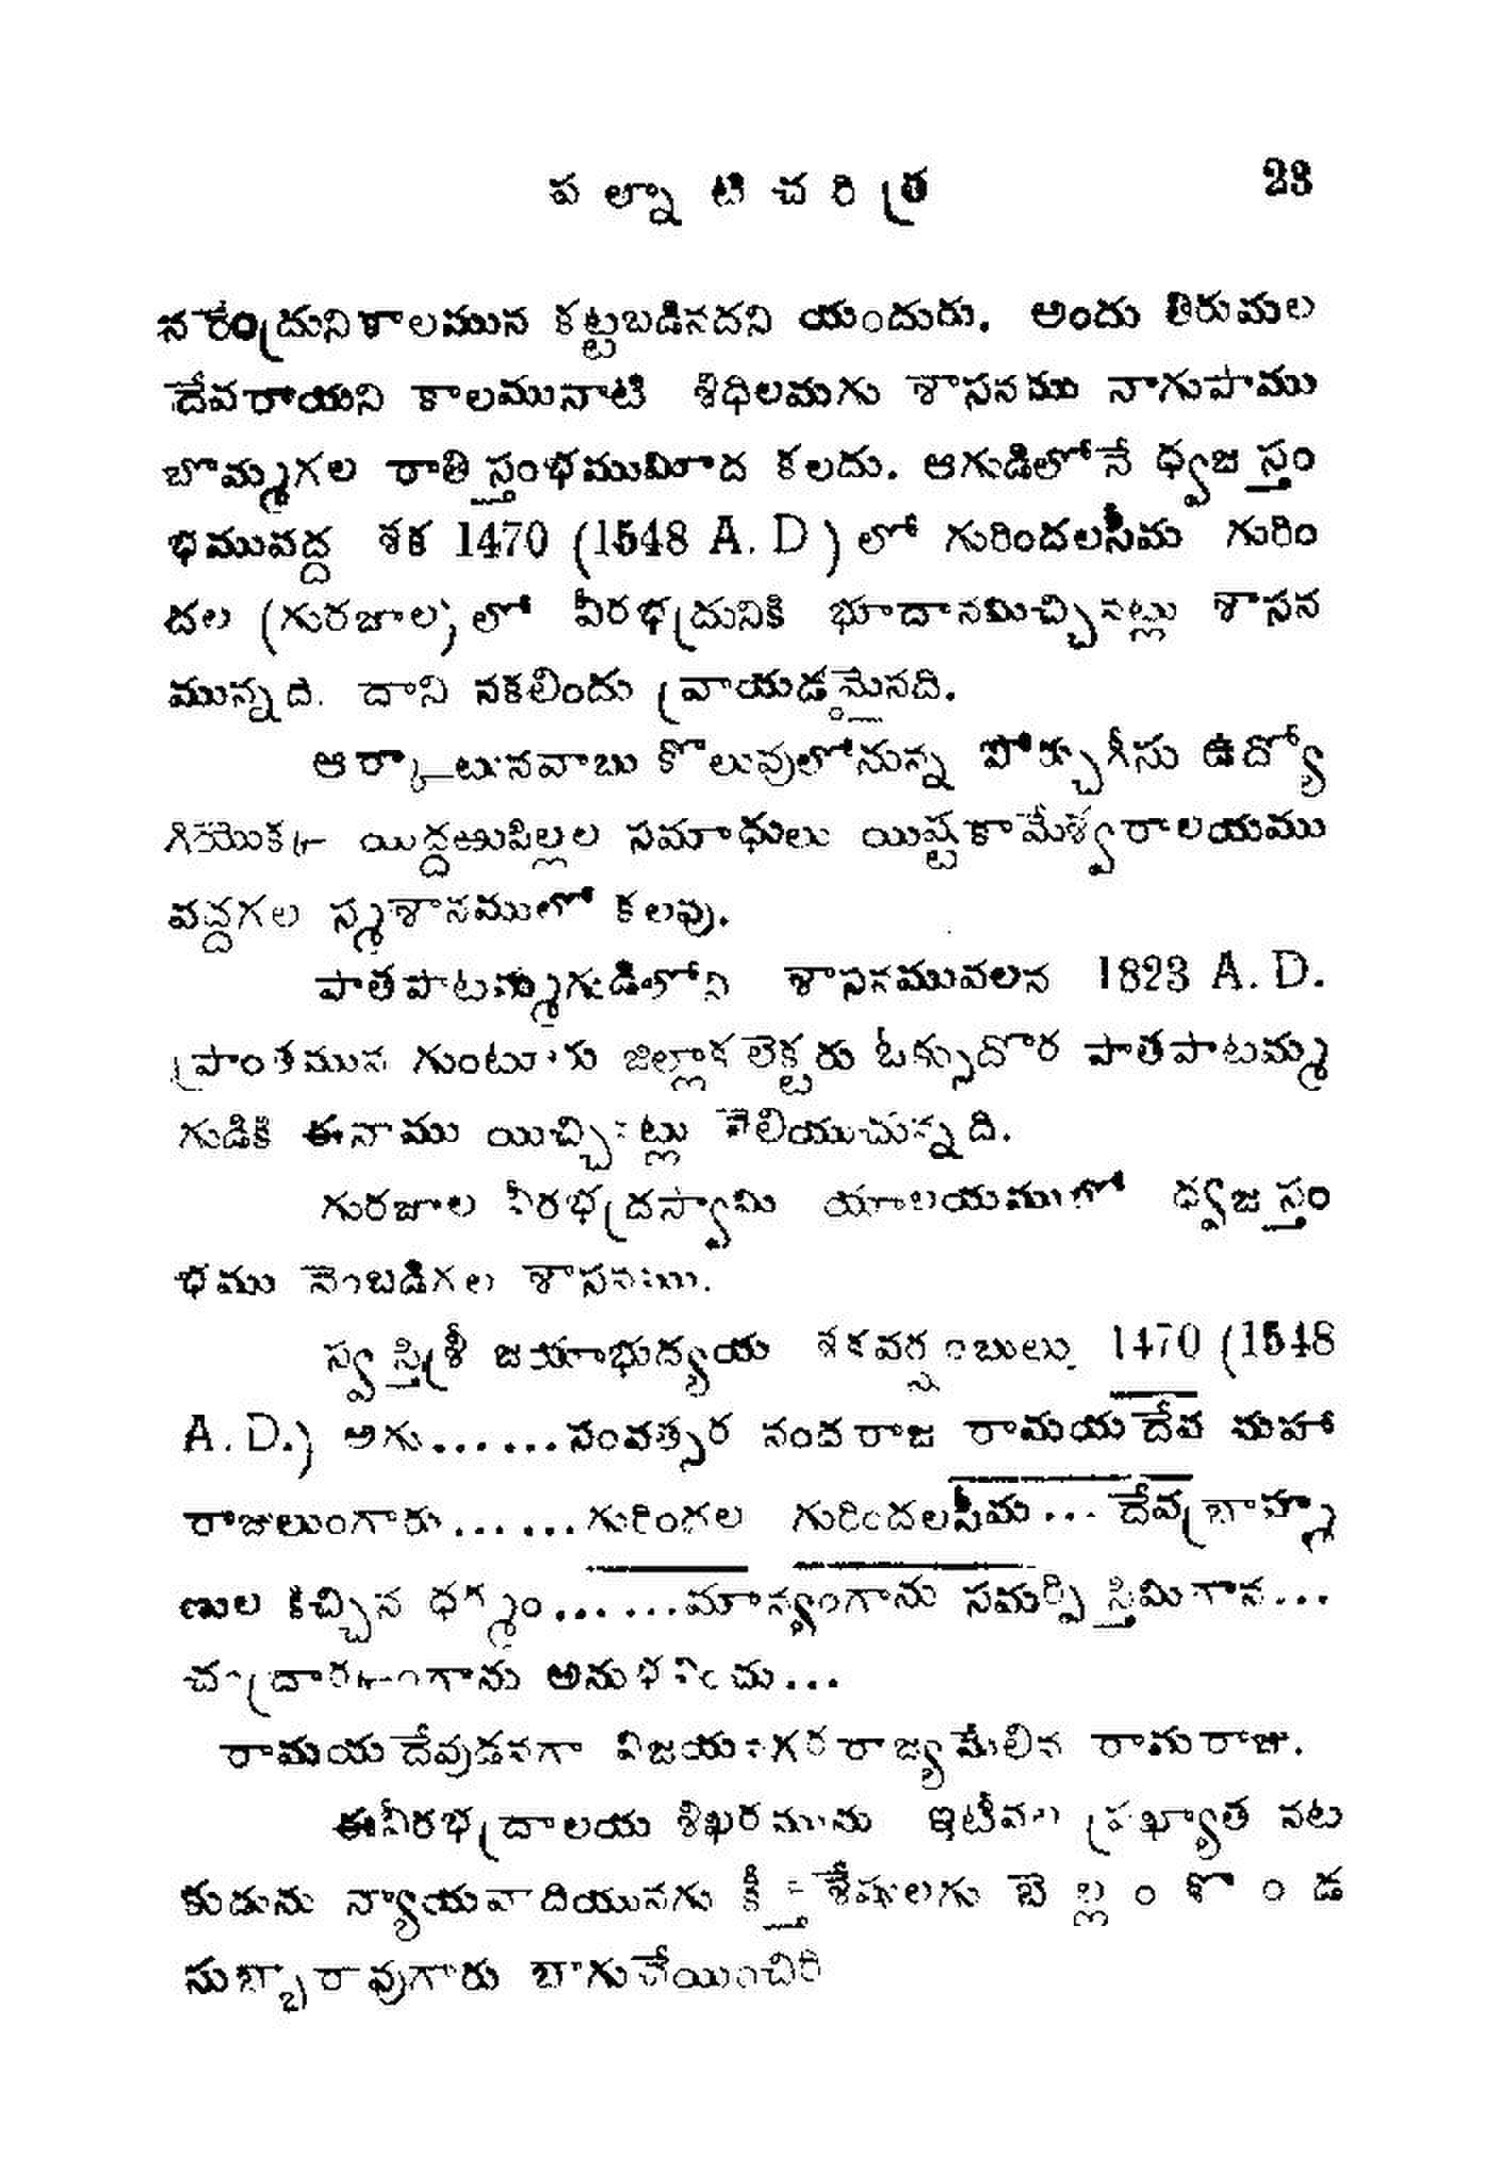నరేంద్రునికాలమున కట్టబడినదని యందురు. అందు తిరుమల
దేవరాయని కాలమునాటి శిధిలమగు శాసనము నాగుపాము
బొమ్మగల రాతి స్తంభముమీద కలదు. ఆ గుడిలోనే ధ్వజ 
స్తంభమువద్ద శక 1470 (1548 A. D) లో గురిందలసీమ 
గురిందల (గురజాల) లో వీరభద్రునికి భూదానమిచ్చినట్లు శాసన
మున్నది. దాని నకలిందు వ్రాయడమైనది.

ఆర్కాటునవాబు కొలువులోనున్న పోర్చుగీసు ఉద్యోగియొక్క 
యిద్దఱుపిల్లల సమాధులు యిష్టకామేశ్వరాలయము
వద్దగల స్మశానములో కలవు.

పాతపాటమ్మగుడిలోని శాసనమువలన 1823 A. D. ప్రాంతమున 
గుంటూరు జిల్లా కలెక్టరు ఓక్సుదొర పాతపాటమ్మ గుడికి ఈనాము 
యిచ్చినట్లు తెలియుచున్నది.

గురజాల వీరభద్రస్వామి యాలయములో ధ్వజస్తంభము వెంబడిగల 
శాసనము. స్వస్తిశ్రీ జయాభుద్యయ శరవర్షంబులు 1470 (1548 A.D.) అగు
...... సంవత్సర నందరాజు రామయ దేవ మహారాజులుంగారు 
....... గురిందల గురిఁదలసీమ.... దేవబ్రాహ్మణుల కిచ్చిన ధర్మం
....మాన్యంగాను సమర్పిస్తిమిగాన...చంద్రార్కంగాను అనుభవించు...

రామయదేవుడనగా విజయనగరరాజ్యమేలిన రామరాజు.

ఈ వీరభద్రాలయ శిఖరమును ఇటీవల ప్రఖ్యాత నటకుడును 
న్యాయవాదియునగు కీర్తిశేషులగు బెల్లంకొండ సుబ్బారావుగారు 
బాగుచేయించిరి